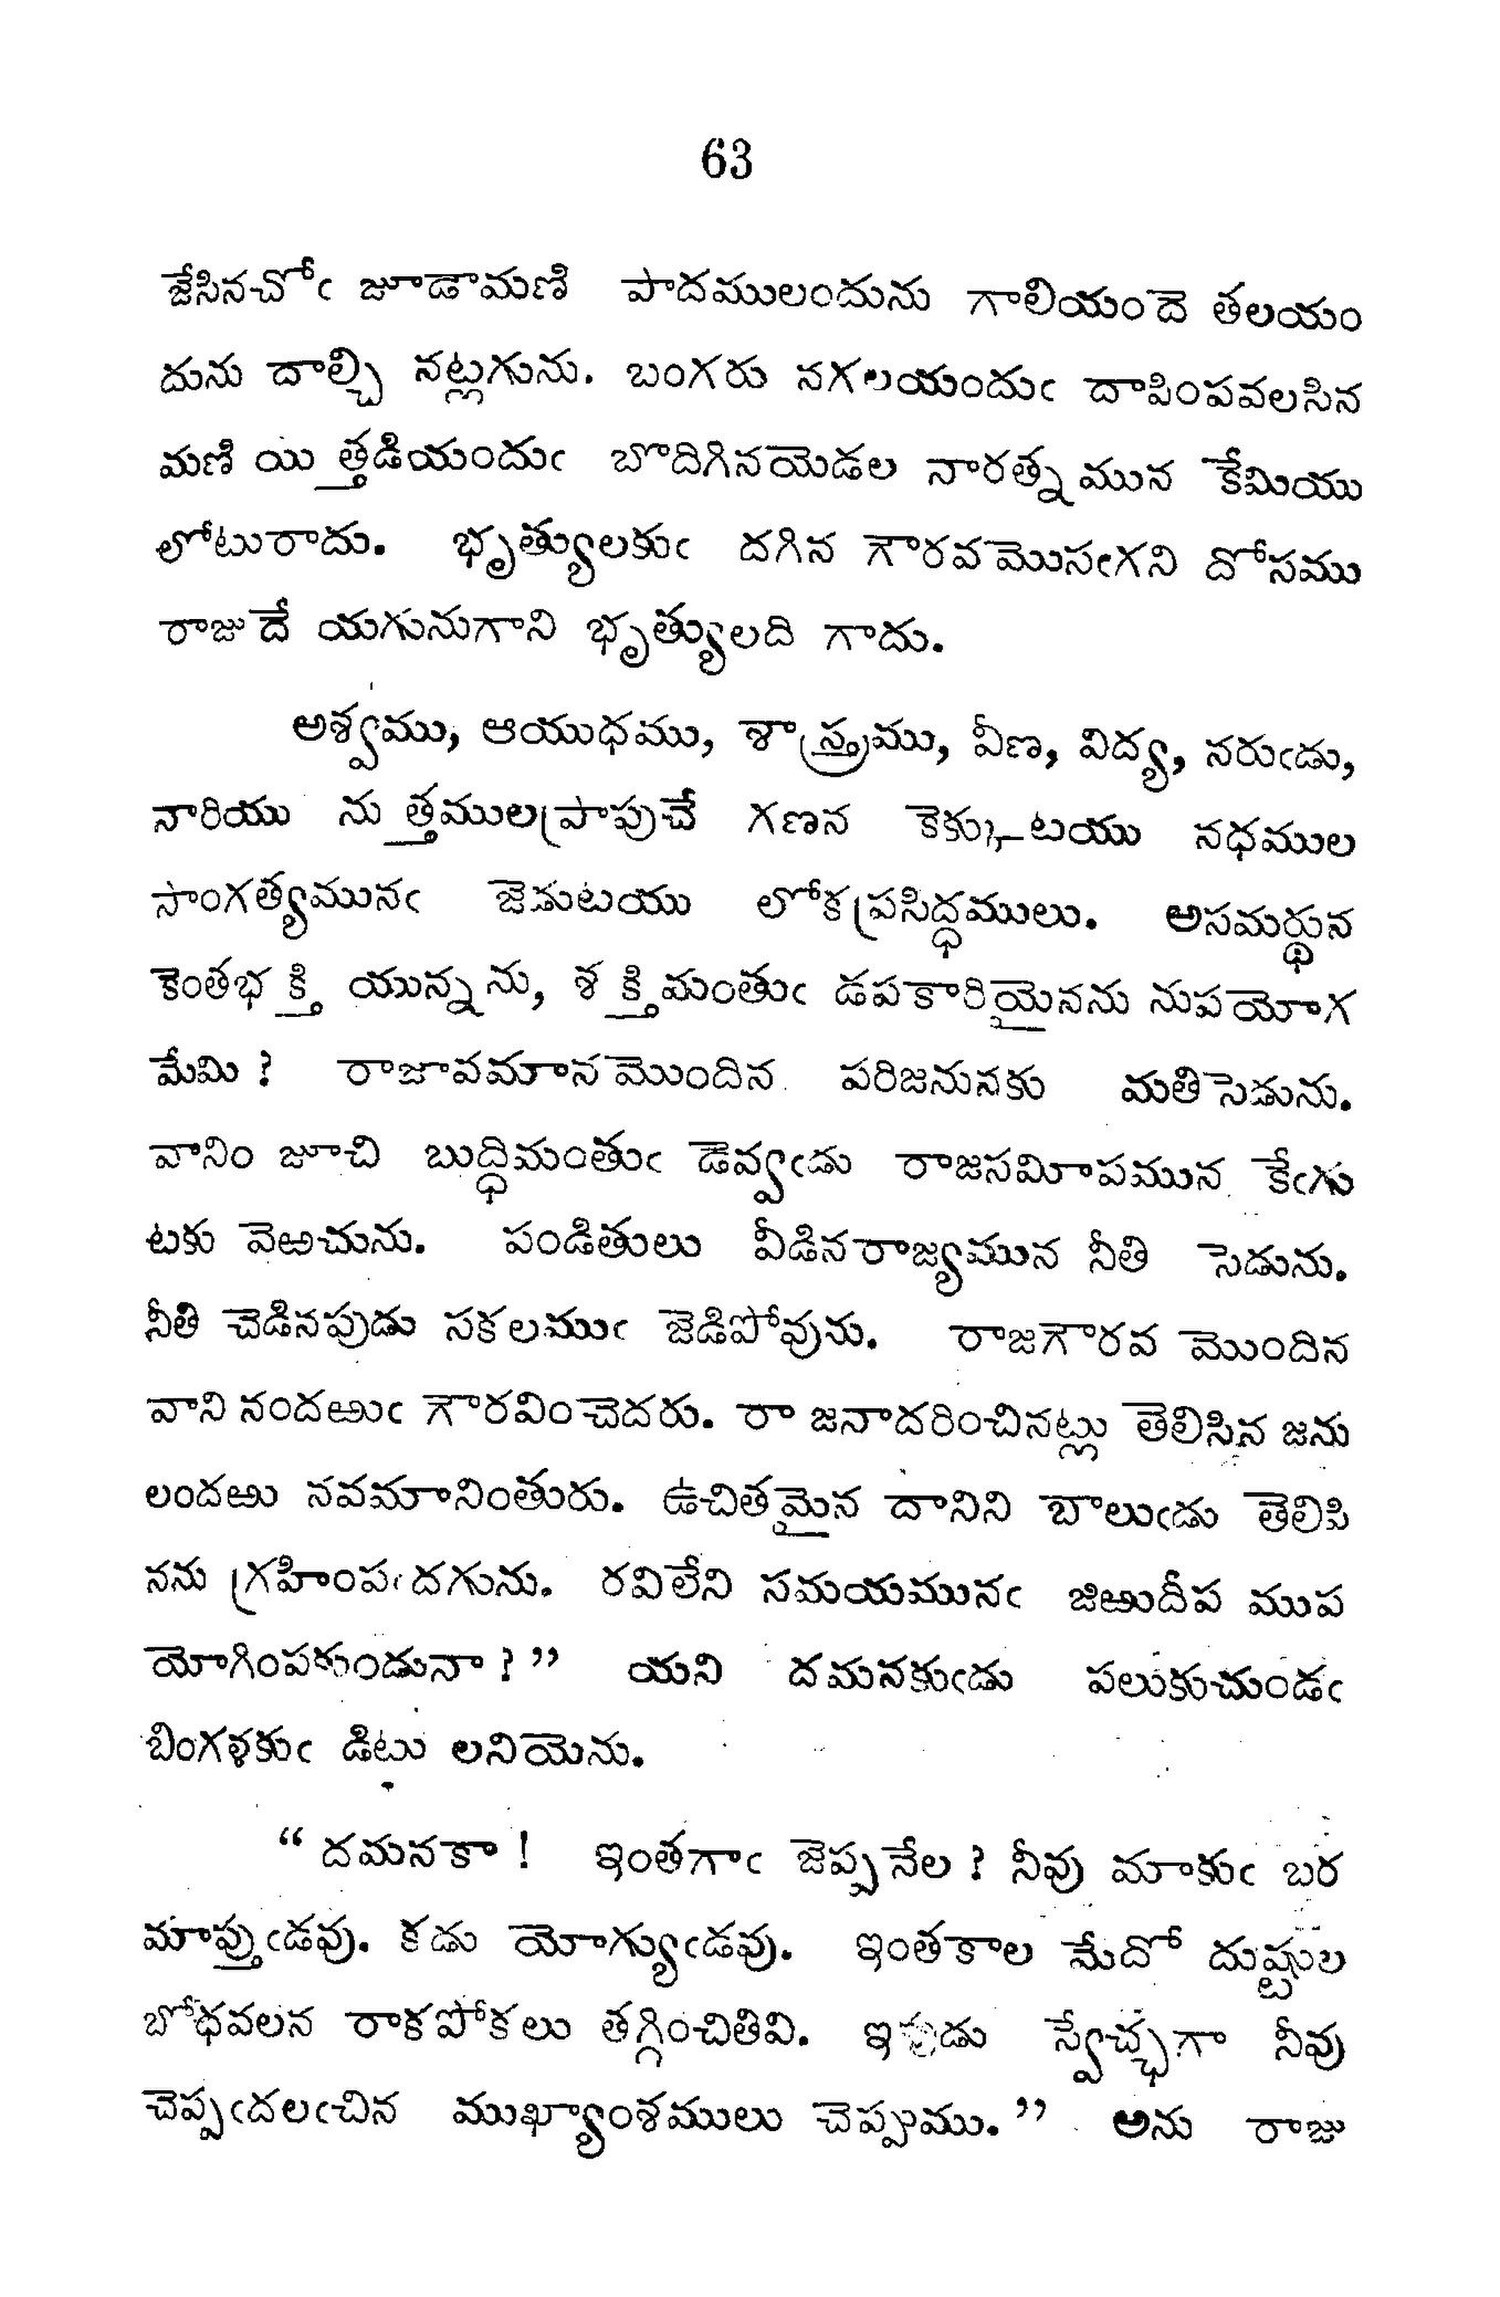జేసినచో జూడామణి పాదములందును గాలియందె తలయందును దాల్చి నట్లగును. బంగరు నగలయందు దాపింపవలసిన మణి యిత్తడియందు బొదిగినయెడల నారత్నమున కేమియు లోటురాదు. భృత్యులకు దగిన గౌరవమొసగని దోసము రాజుదే యగునుగాని భృత్యులది గాదు.

అశ్వము, ఆయధము, శాస్త్రము, వీణ, విద్య, నరుడు, నారియు నుత్తములప్రాపుచే గణన కెక్కుటయు నధముల సాంగత్యమున జెడుటయు లోకప్రసిద్ధములు, అసమర్థున కెంతభక్తి యున్నను, శక్తిమంతు డపకారియైనను నుపయోగ మేమి? రాజావమానమొందిన పరిజనునకు మతిసెడును. వానిం జూచి బుద్ధిమంతు డెవ్వడు రాజసమీపమున కేగుటకు వెఱచును. పండితులు వీడినరాజ్యమున నీతి సెడును. నీతి చెడినపుడు సకలము జెడిపోవును. రాజుగౌరవ మొందిన వాని నందఱు గౌరవించెదరు. రా జనాదరించినట్లు తెలిసిన జనులందఱు నవమానింతురు. ఉచితమైన దానిని బాలుడు తెలిసినను గ్రహింపదగును. రవిలేని సమయమున జిఱుదీప ముపయోగింపకుండునా?" యని దమనకుడు పలుకుచుండ బింగళకు డిటు లనియెను.

"దమనకా! ఇంతగా జెప్పనేల? నీవు మాకు బరమాప్తుడవు. కడు యోగ్యుడవు. ఇంతకాల మేదో దుష్టుల బోధవలన రాకపోకలు తగ్గించితిని. ఇపుడు స్వేచ్ఛగా నీవు చెప్పదలచిన ముఖ్యాంశములు చెప్పుము." అను రాజు